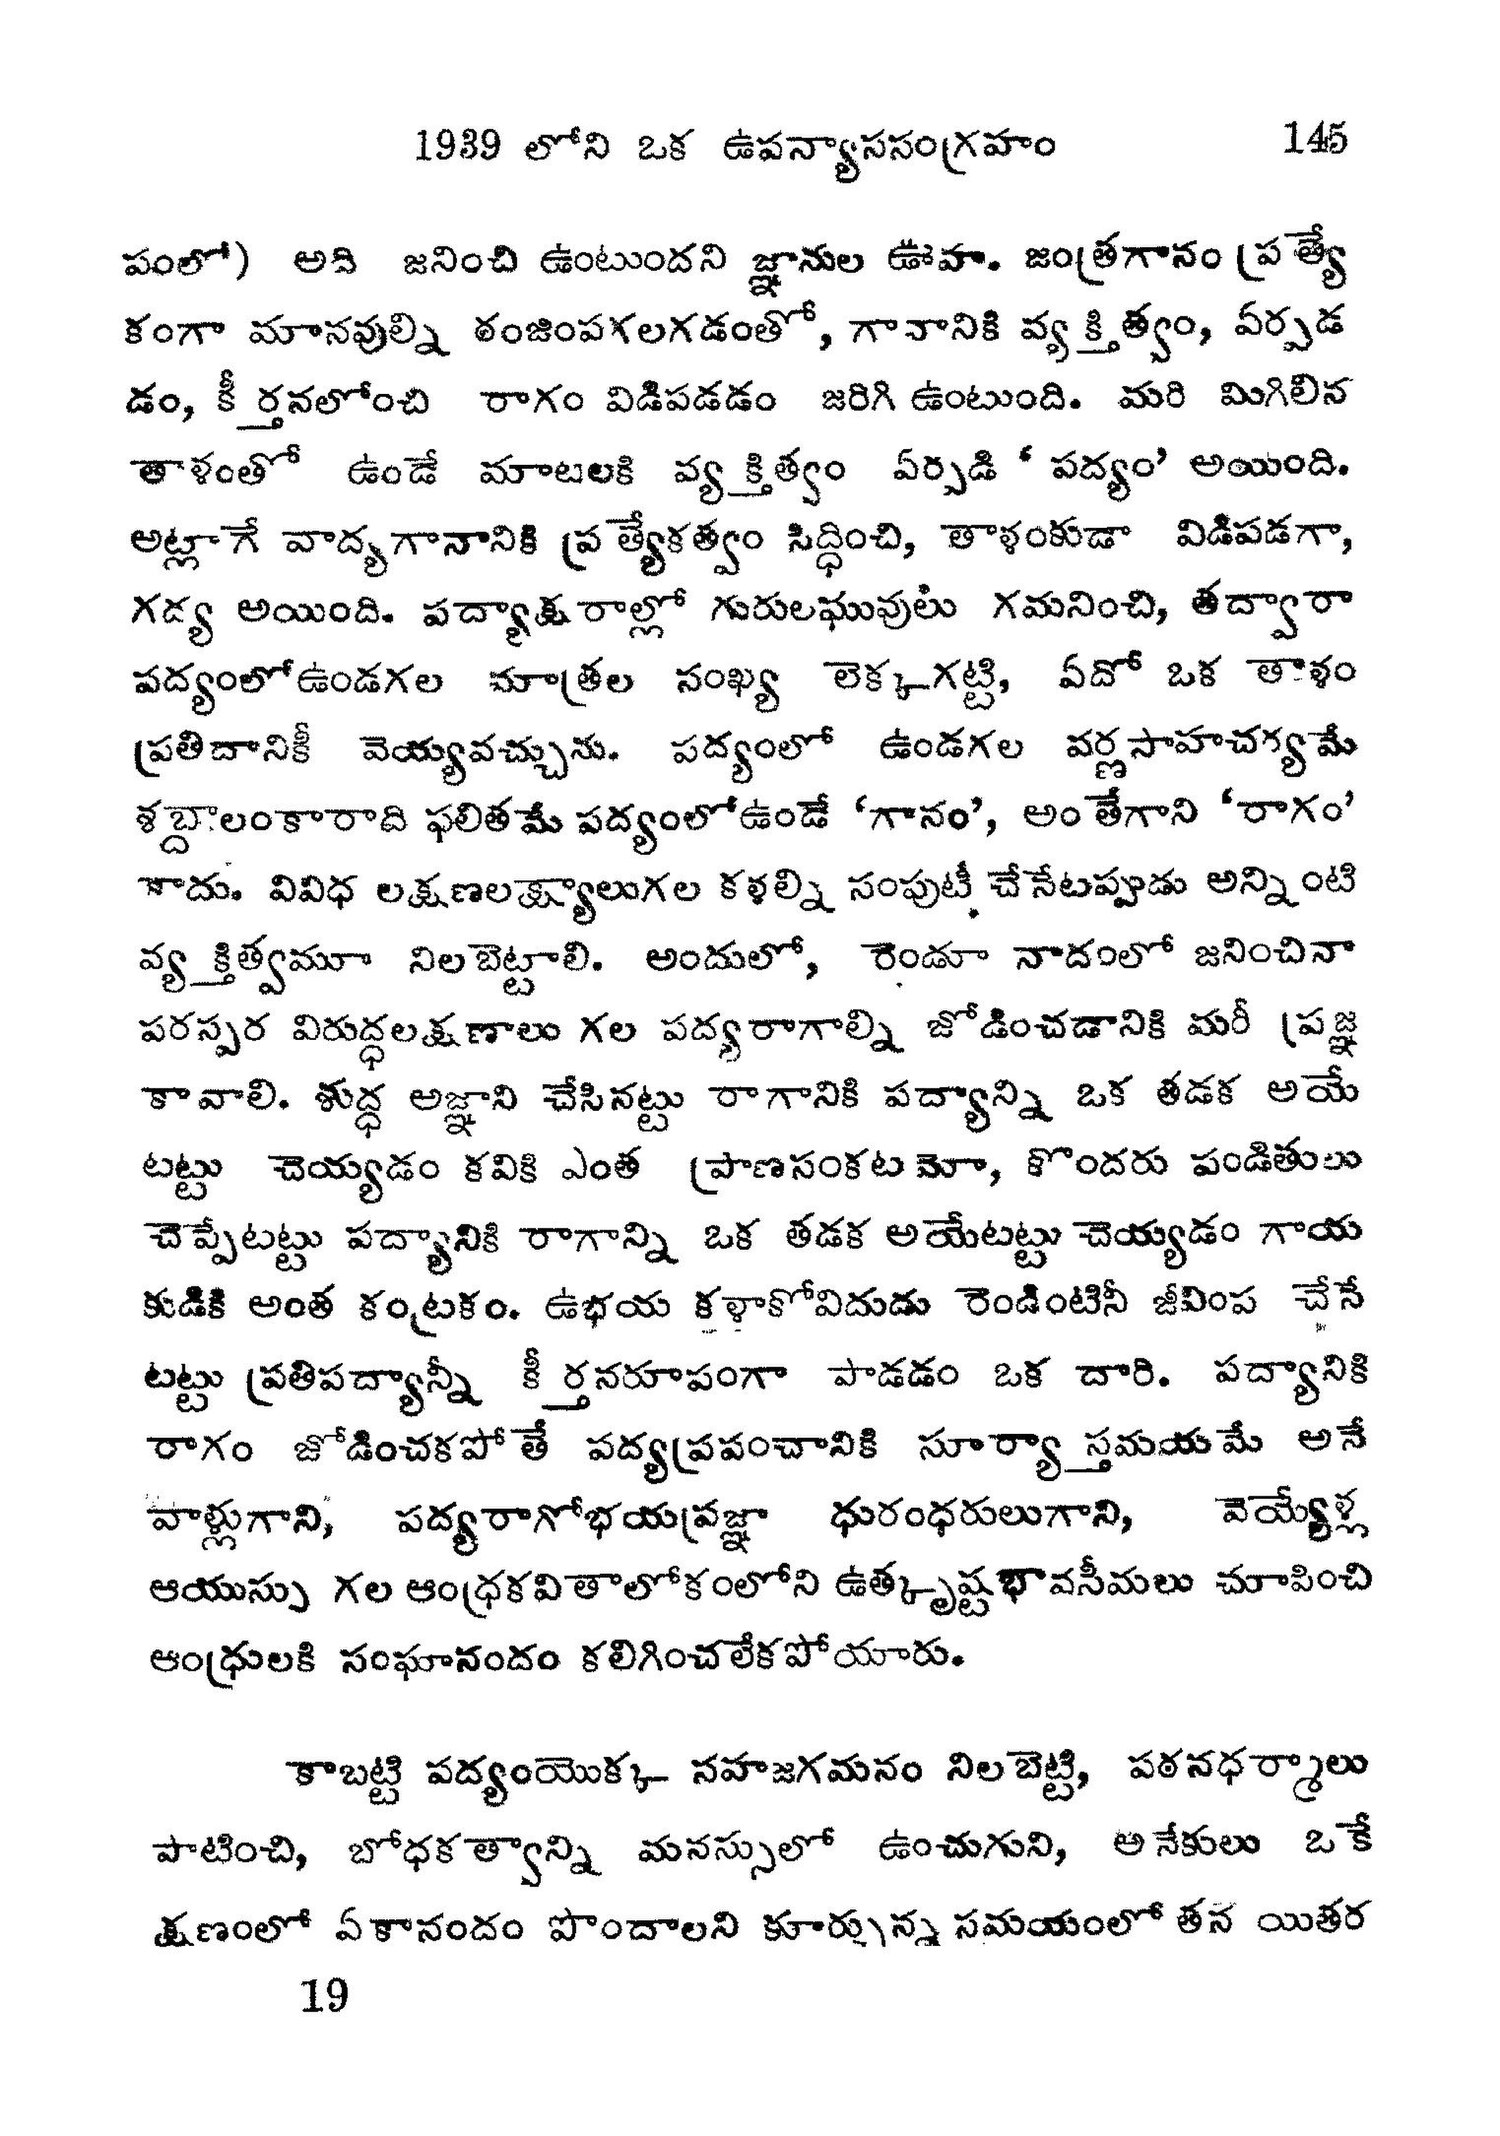పంలో) అది జనించి ఉంటుందని జ్ఞానుల ఊహ. జంత్రగానం ప్రత్యే
కంగా మానవుల్ని రంజింపగలగడంతో, గానానికి వ్యక్తిత్వం, ఏర్పడ
డం, కీర్తనలోంచి రాగం విడిపడడం జరిగి ఉంటుంది. మరి మిగిలిన
తాళంతో ఉండే మాటలకి వ్యక్తిత్వం ఏర్పడి ' పద్యం' అయింది.
అట్లాగే వాద్యగానానికి ప్రత్యేకత్వం సిద్ధించి, తాళంకుడా విడిపడగా,
గద్య అయింది. పద్యాక్షరాల్లో గురులఘువులు గమనించి, తద్వారా
పద్యంలోఉండగల మాత్రల సంఖ్య లెక్కగట్టి, ఏదో ఒక తాళం
ప్రతిదానికీ వెయ్యవచ్చును. పద్యంలో ఉండగల వర్ణసాహచర్యమే
శబ్దాలంకారాది ఫలితమే పద్యంలోఉండే 'గానం', అంతేగాని 'రాగం'
కాదు. వివిధ లక్షణలక్ష్యాలుగల కళల్ని సంపుటీ చేసేటప్పుడు అన్నింటి
వ్యక్తిత్వమూ నిలబెట్టాలి. అందులో, రెండూ నాదంలో జనించినా
పరస్పర విరుద్ధలక్షణాలు గల పద్యరాగాల్ని జోడించడానికి మరీ ప్రజ్ఞ
కావాలి. శుద్ధ అజ్ఞాని చేసినట్టు రాగానికి పద్యాన్ని ఒక తడక అయే
టట్టు చెయ్యడం కవికి ఎంత ప్రాణసంకటమో, కొందరు పండితులు
చెప్పేటట్టు పద్యానికి రాగాన్ని ఒక తడక అయేటట్టు చెయ్యడం గాయ
కుడికి అంత కంట్రకం. ఉభయ కళాకోవిదుడు రెండింటినీ జీవింప చేసే
టట్టు ప్రతిపద్యాన్నీ కీర్తనరూపంగా పాడడం ఒక దారి. పద్యానికి
రాగం జోడించకపోతే పద్యప్రపంచానికి సూర్యాస్తమయమే అనే
వాళ్లుగాని, పద్యరాగోభయప్రజ్ఞా దురంధరులుగాని, వెయ్యేళ్ల
ఆయుస్సు గల ఆంధ్రకవితాలోకంలోని ఉత్కృష్టభావసీమలు చూపించి
ఆంధ్రులకి సంఘానందం కలిగించలేకపోయారు.

కాబట్టి పద్యంయొక్క సహజగమనం నిలబెట్టి, పఠనధర్మాలు
పాటించి, బోధకత్వాన్ని మనస్సులో ఉంచుగుని, అనేకులు ఒకే
క్షణంలో ఏకానందం పొందాలని కూర్చున్న సమయంలో తన యితర